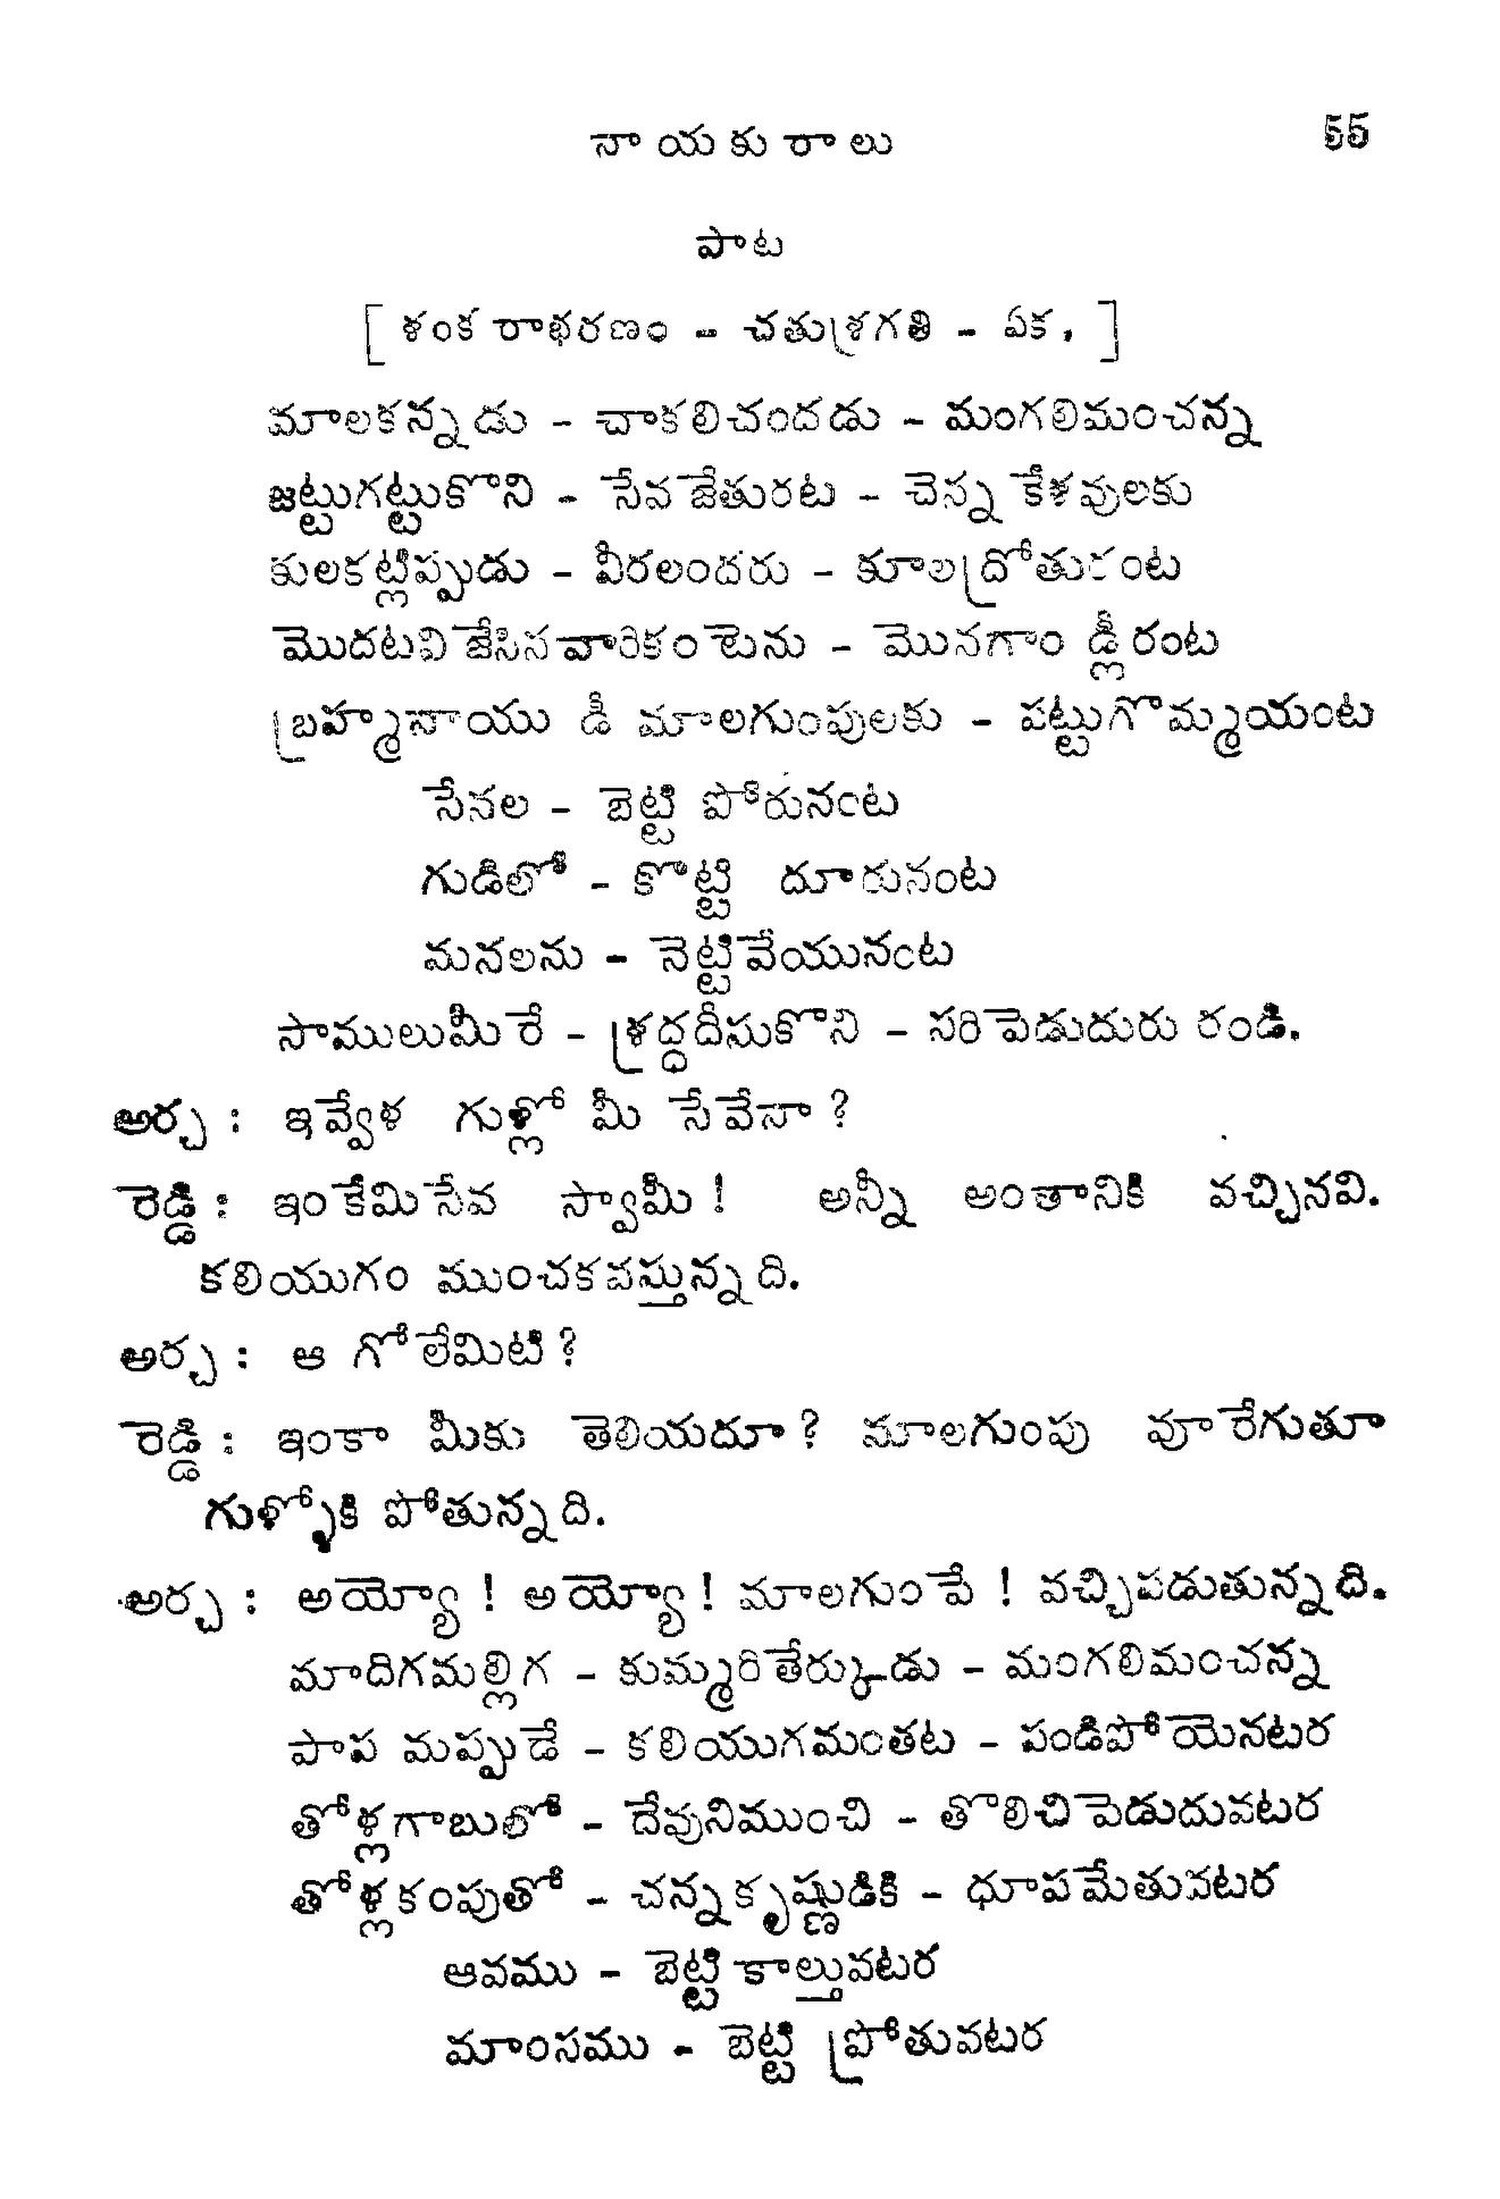మాలకన్నడు - చాకలిచందడు - మంగలిమంచన్న
జట్టుగట్టుకొని - సేవ జేతురట - చెన్న కేశవులకు
కులకట్లిప్పుడు - వీరలందరు - కూలద్రోతురంట
మొదటవి జేసిన వారికంటెను - మొనగాం డ్లీరంట
బ్రహ్మనాయు డీ మాలగుంపులకు - పట్టుగొమ్మయంట
 సేనల - బెట్టి పోరునంట
 గుడిలో - కొట్టి దూరునంట
 మనలను - నెట్టివేయునంట
సాములుమీరే - శ్రద్దదీసుకొని - సరిపెడుదురు రండి.
అర్చ : ఇవ్వేళ గుళ్లో మీ సేవేనా ?

రెడ్డి : ఇంకేమిసేవ స్వామీ ! అన్నీ అంతానికి వచ్చినవి. కలియుగం ముంచకవస్తున్నది.

అర్చ: ఆ గోలేమిటి?

రెడ్డి : ఇంకా మీకు తెలియదూ? మాలగుంపు వూరేగుతూ గుళ్ళోకి పోతున్నది.

అర్చ : అయ్యో ! అయ్యో ! మాలగుంపే ! వచ్చిపడుతున్నది.
 మాదిగమల్లిగ - కుమ్మరితేర్కుడు - మంగలిమంచన్న
 పాప మప్పుడే - కలియుగమంతట - పండిపోయెనటర
 తోళ్ల గాబులో - దేవునిముంచి - తొలిచిపెడుదువటర
 తోళ్లకంపుతో - చన్నకృష్ణుడికి - ధూపమేతువటర
 ఆవము - బెట్టి కాల్తువటర
 మాంసము - బెట్టి ప్రోతువటర